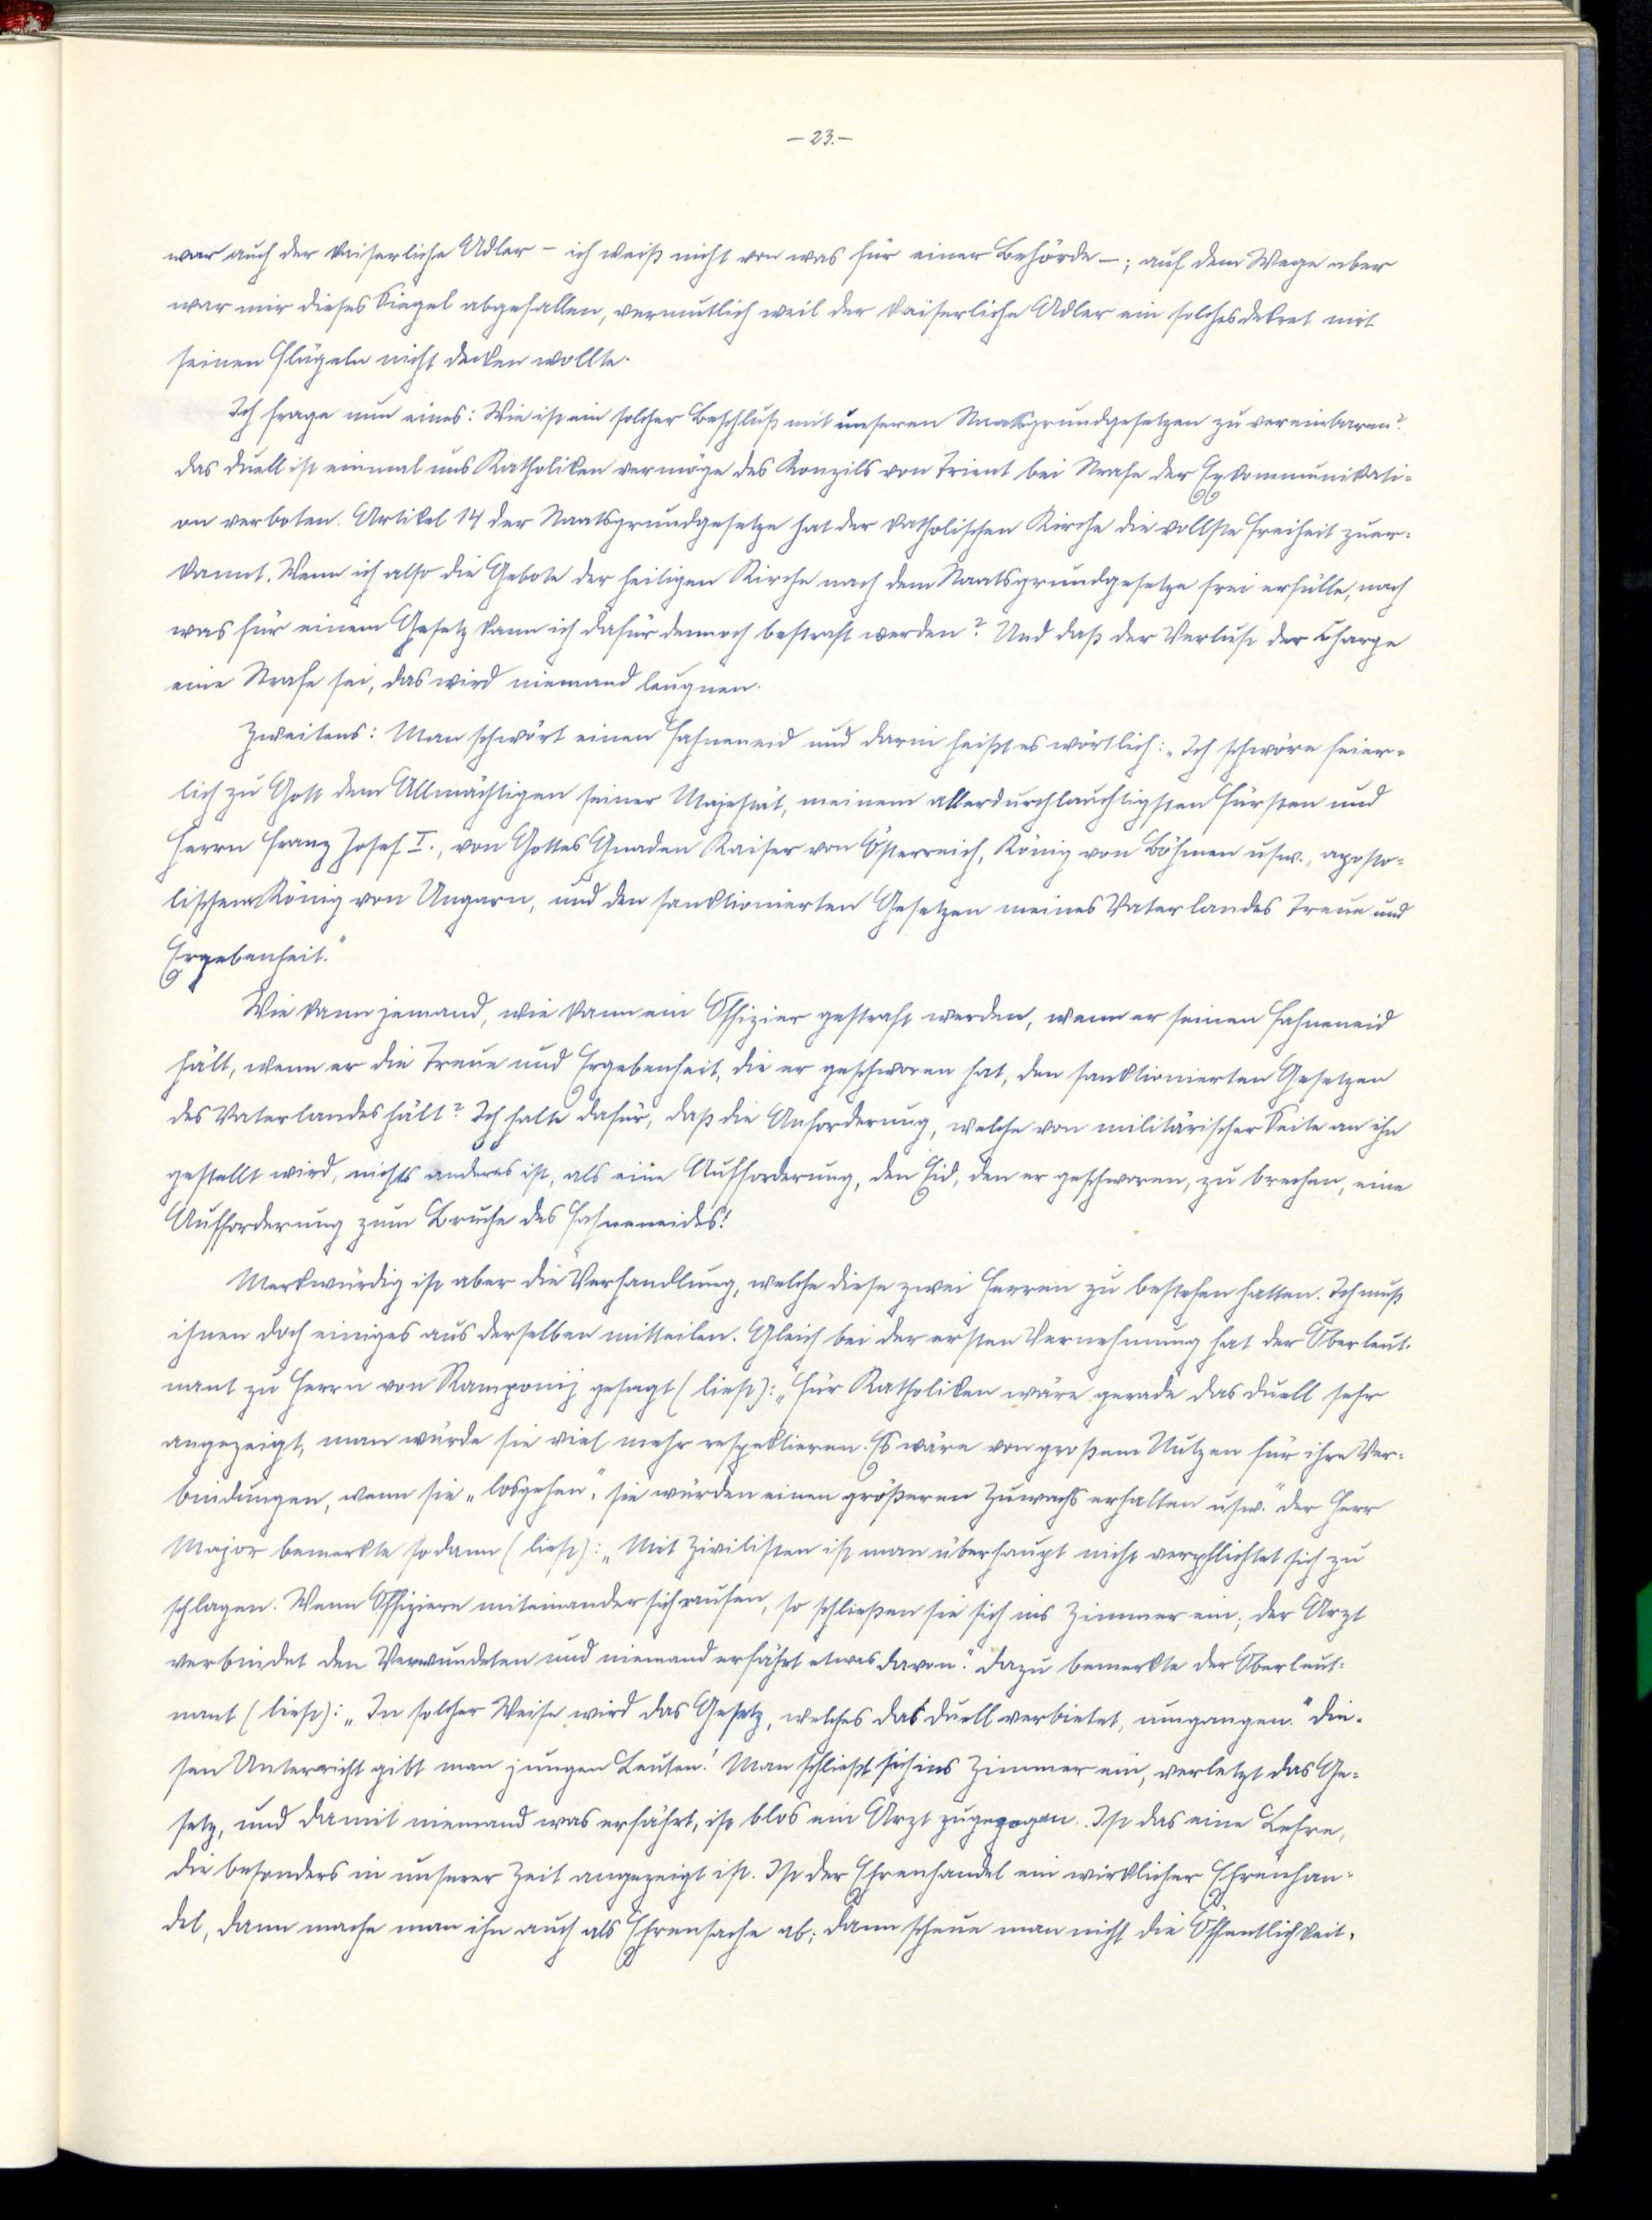23
war auch der kaiserliche Adler- ich weiß nicht von was für einer Behörde -; auf dem Wege aber
war mir dieses Siegel abgefallen, vermutlich weil der kaiserliche Adler ein solches Dekret mit
seinen Flügele nicht decken wollte-
Ich frage nun eines: Wie ist ein solcher Beschluß mit unseren Staatsgrundgesetzen zu vereinbaren?
Das Duell ist einmal uns Katholiken vermöge des Konzils von Trient bei Strafe der Exkommunikati-
on verboten. Artikel 14 der Staatsgrundgesetze hat der katholischen Kirche die vollste Freiheit zuer-
kannt. Wenn ich also die Gebote der heiligen Kirche nach dem Staatsgrundgesetze frei erfülle, nach
was für einem Gesetz, kann ich dafür dennoch bestraft werden? Und daß der Verlust der Charge
eine Strafe sei, das wird niemand leugnen.
Zweitens: Man schwört einen Fahneneid und darin heißt es wörtlich:Ich schwöre feier-
lich zu Gott dem Almlächtigen seiner Majestät, meinem allerdurchlauchtigsten Fürsten und
Herrn Franz Josef I., von Gottes Gnaden Kaiser von Österreich, König von Böhmen usw.,aposto-
lischer König von Ungarn, und den sanktionierten Gesetzen meines Vaterlandes Treue und
Ergebenheit."
Wie kann jemand, wie kann ein Offizier gestraft werden, wenn er seinen Fahneneind
hält, wenn er die Treue und Ergebenheit, die er geschworen hat, den sanktionierten Gesetzen
des Vaterlandes hält? Ich halte dafür, dass die Anforderung, welche von militärischer Seite an ihn
gestellt wird, nichts anderes ist, als eine Aufforderung, den Eid, den er geschworen, zu brechen, eine
Auffoderung zum Bruche des Fahneneids!
Merkwürdig ist aber die Verhandlung, welche diese zwei Herren zu bestehen hatten. Ich muß
ihnen doch einiges aus derselben mitteilen. Gleich bei der ersten Vernehmung hat der Oberleut
nant zu Herrn von Ramponij gesagt ( liest ): "Für Katholiken wäre gerade das Duell sehr
angzeigt, man würde sie viel mehr respektieren. Es wäre von großem Nutzen für ihre Ver-
bindungen, wenn sie „losgehen", sie würden einen größeren Zuwachs erhalten usw. Der Herr
Major bemerkte sodann (liest): „Mit Zivilisten ist man überhaupt nicht verpflichtet sich zu
schlagen. Wenn Offiziere miteinander sich raufen, so schießen sie sich ins Zimmer ein; der Arzt
verbindet den Verwundeten und niemand erfährt etwas davon. Dazu bemerkte der Oberleut-
nant (liest): „In solcher Weise wird das Gesetz, welches das Duell verbietet, umgangen“ die-
sen Unterricht gibt man jungen Leuten. Man schließt sich ins Zimmer ein, verletzt das Ge-
setz, und damit niemand was erfährt, ist blos ein Arzt zugegen. Ist das eine Lehre,
die besonders in unserer Zeit angezeigt ist. Ist der Ehrenhandel ein wirklicher Ehrenhan-
del, dann mache man ihn auch als Ehrensache ab, dann scheue man nicht die Öffentlichkeit,